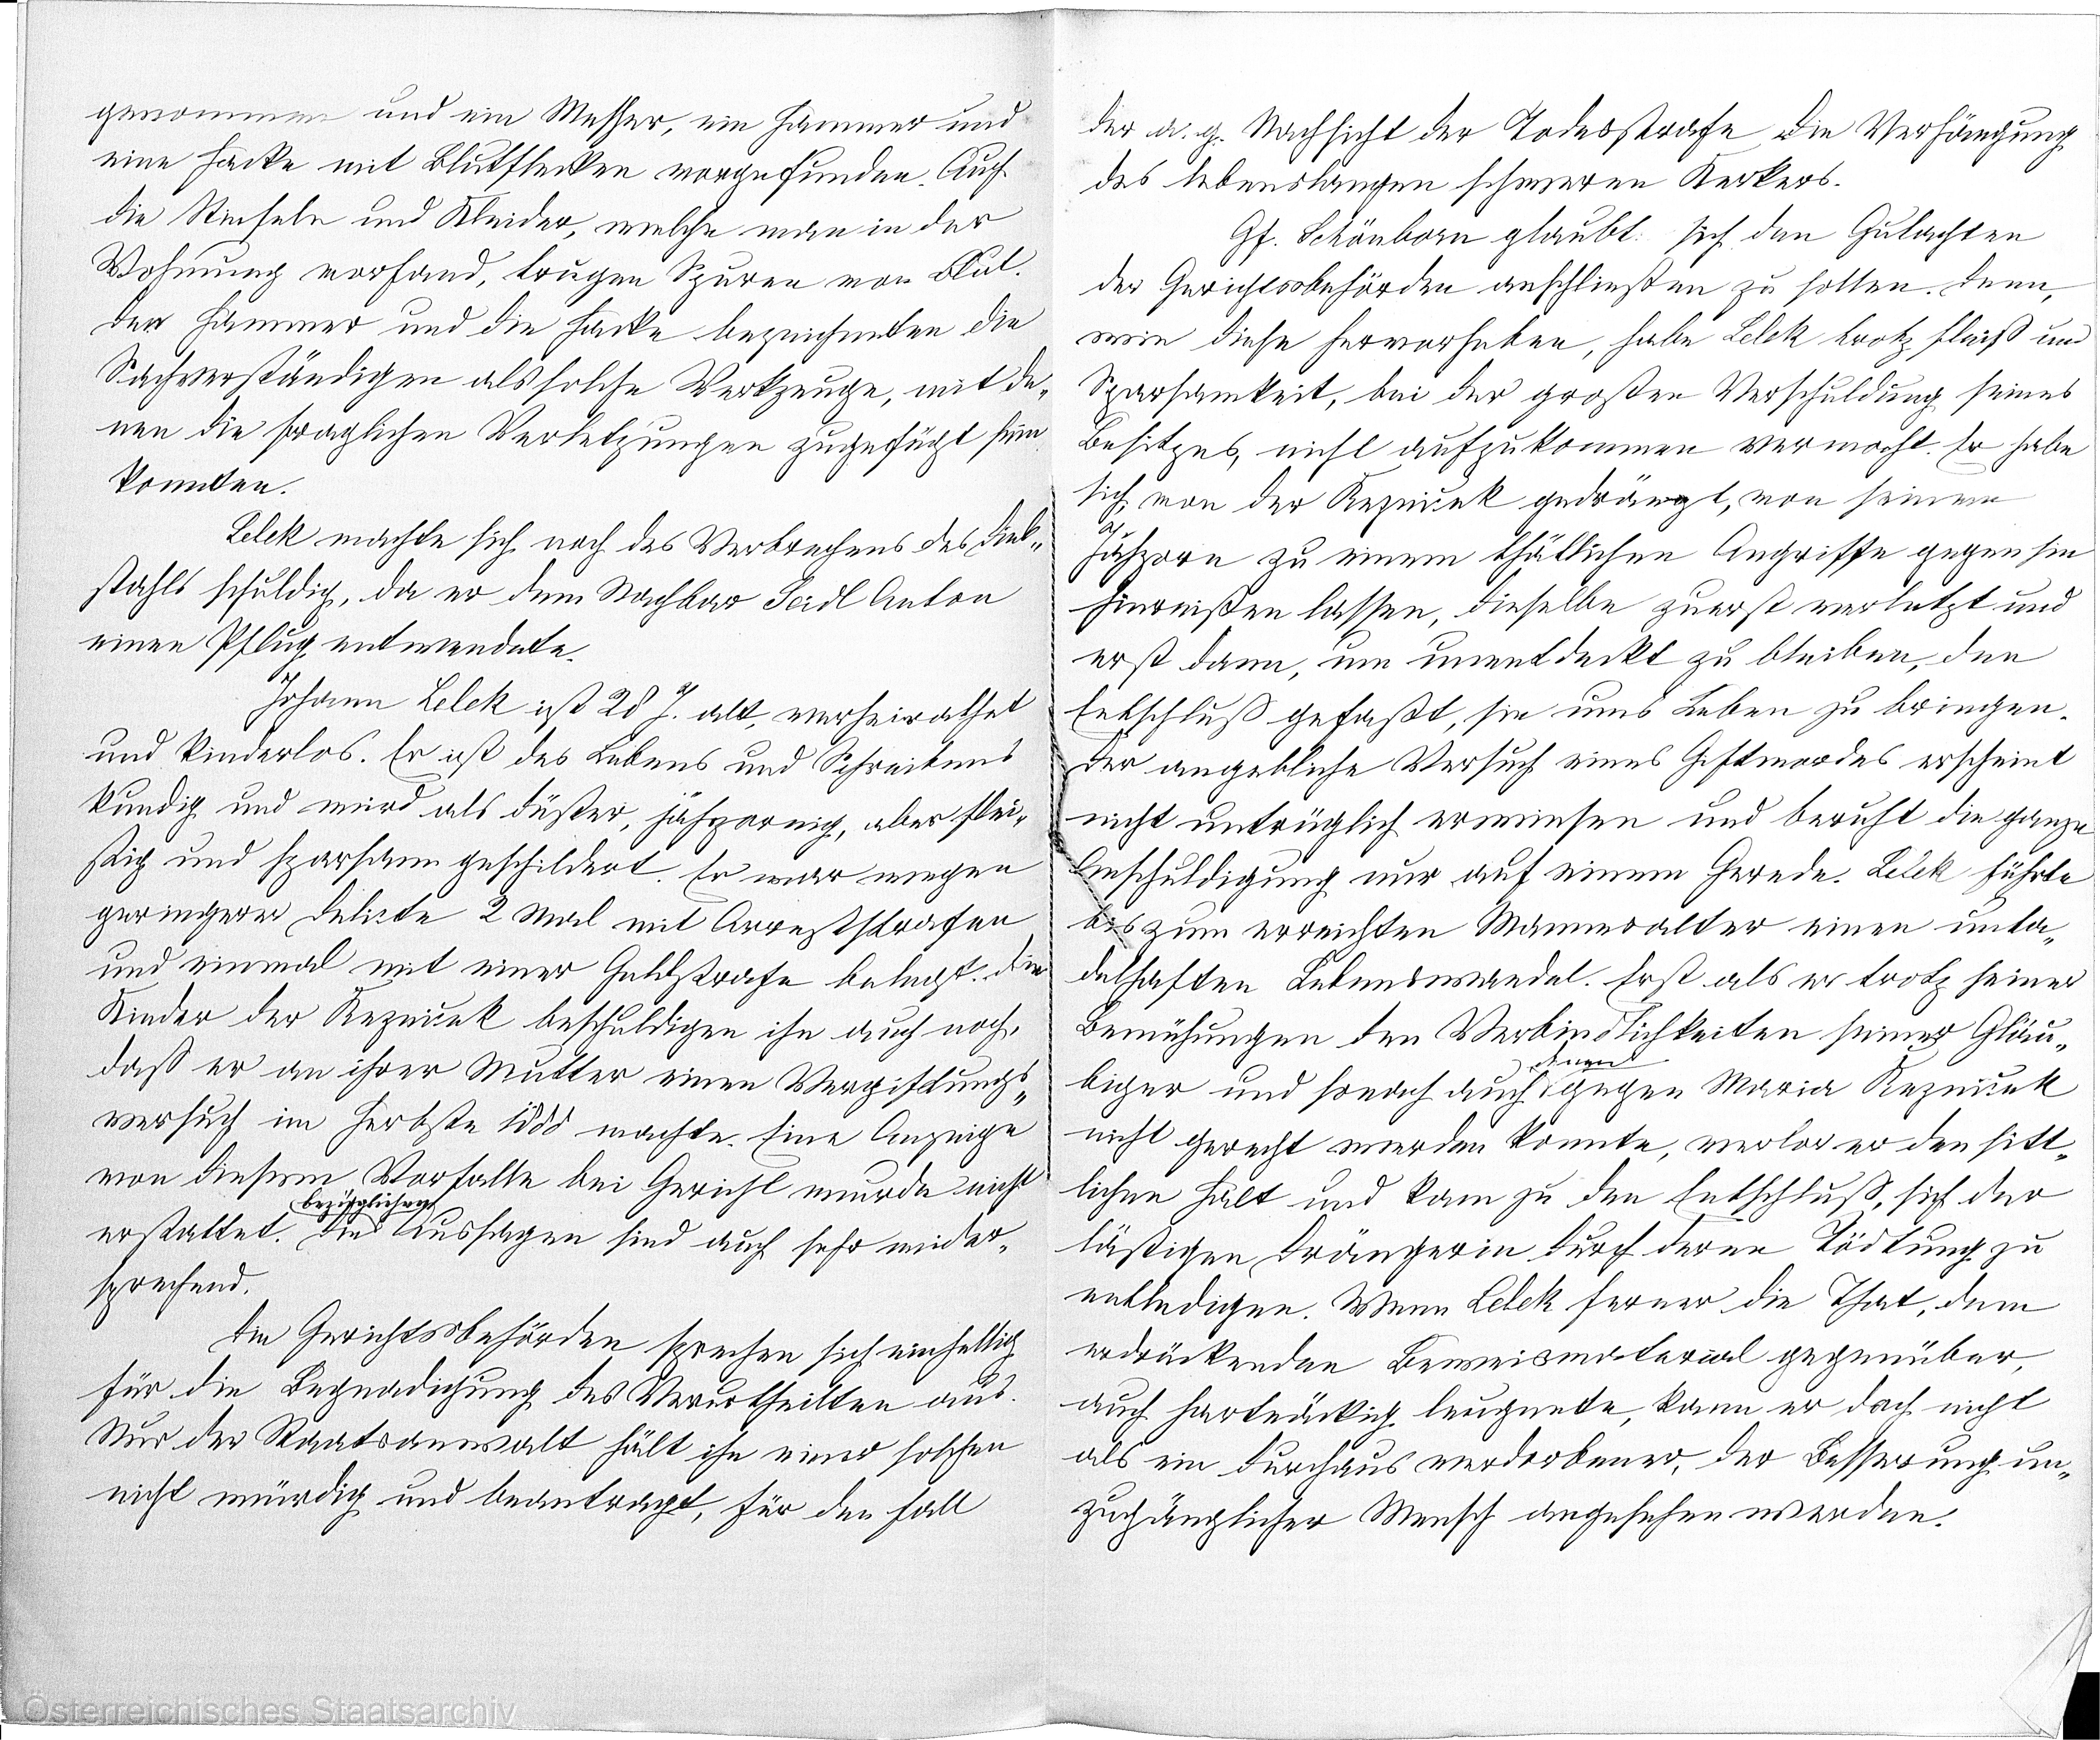genommen und ein Messer, ein Hammer und
eine Hacke mit Blutflecken vorgefunden. Auch
die Stieseln und Kleider, welche man in der
Wohnung vorfand, trugen Spuren mon Blut.
Der Hammer und die Hacke bezeichneten die
Sachverständigen als solche Werkzeuge, mit de¬
nen die fraglichen Verletzungen zugefügt sein
konnten.
Lelek machte sich nach des Verbrechens des Dieb¬
stahls schuldig, da er dem Nachbar Seidl Anton
einen Pflug entwendete.
Johann Lelek ist 28 J. alt, verheirathet
und kinderlos. Er ist des Lebens und Schreitens
kundig und wird als düster, jährzornig, aber xx¬
stig und sparxx geschildert. Er war wegen
geringerer Delicte 2 Mal mit Arreststrafen
und einmal mit einer Gehlstrafe belegt. Der
Kinder der Rezniček beschuldigen ihn durch noch,
daß er an ihrer Mutter einen Vergiftungs¬
versuch im Herbste 1888 machte. Eine Anzeige
mon diesem Vorfalle bei Gericht wurde nicht
bezüglichen
erstattet. Die Aussagen sind auch sehr wider¬
sprechend.
Die Gerichtsbehörden sprechen sich einhellig
für die Begnadigung des Verurtheilten aus.
Nur der Staatsanwalt fält ihn einer solchen
nicht würdig und beantragt, für den fall
der a. g. Nachsicht der Todesstrafe die Verhängung
des lebenslangen schweren Kerkers.
Gf. Schönborn glaubt sich den Gudachten
der Gerichtsobehörden anschließen zu sollen. Denn,
wie diese herverheben, habe Lelek trotz fleiß und
Sparsamkeit, bei der großen Verschuldung, seines
Besitzes, nicht aufzukommen vermocht. Er habe
sich, mon der Rezniček gedrängt, mon seinem
Jähzorn zu einem thätlichen Angriffe gegen sie
hinreißen lassen, dieselbe zuerst verletzt und
erst dann, um unentdeckt zu bleiben, den
Entschluß gefaßt, sie uns Leben zu bringen.
Der angebliche Versuch eines Giftmordes erscheint
nicht untrüglich erwiesen und beruht die ganze
Anschuldigung nur auf einem Gerede. Lelek führte
bis zum erreichten Mammoalter einen unta¬
delhaften Lebenswandel. Erst als er trotz seiner
Bemühungen den Verbindlichkeiten seiner Gläu¬
denen
biger und sonach durch gegen Maria Rezniček
nicht gerecht werden konnte, verlor er den sitt¬
lichen halt und kam zu den Entschluß, sich der
läßigen Drängerin durch deren Tödtung zu
entledigen. Wenn Lelek ferner die That, dem
erdrückenden Beweismaterial gegenüber,
auch hartnäckig leugnete, kann er doch nicht
als ein Durchaus verdorbener, der Besserung un¬
zugänglicher Mensch angesehen werden.